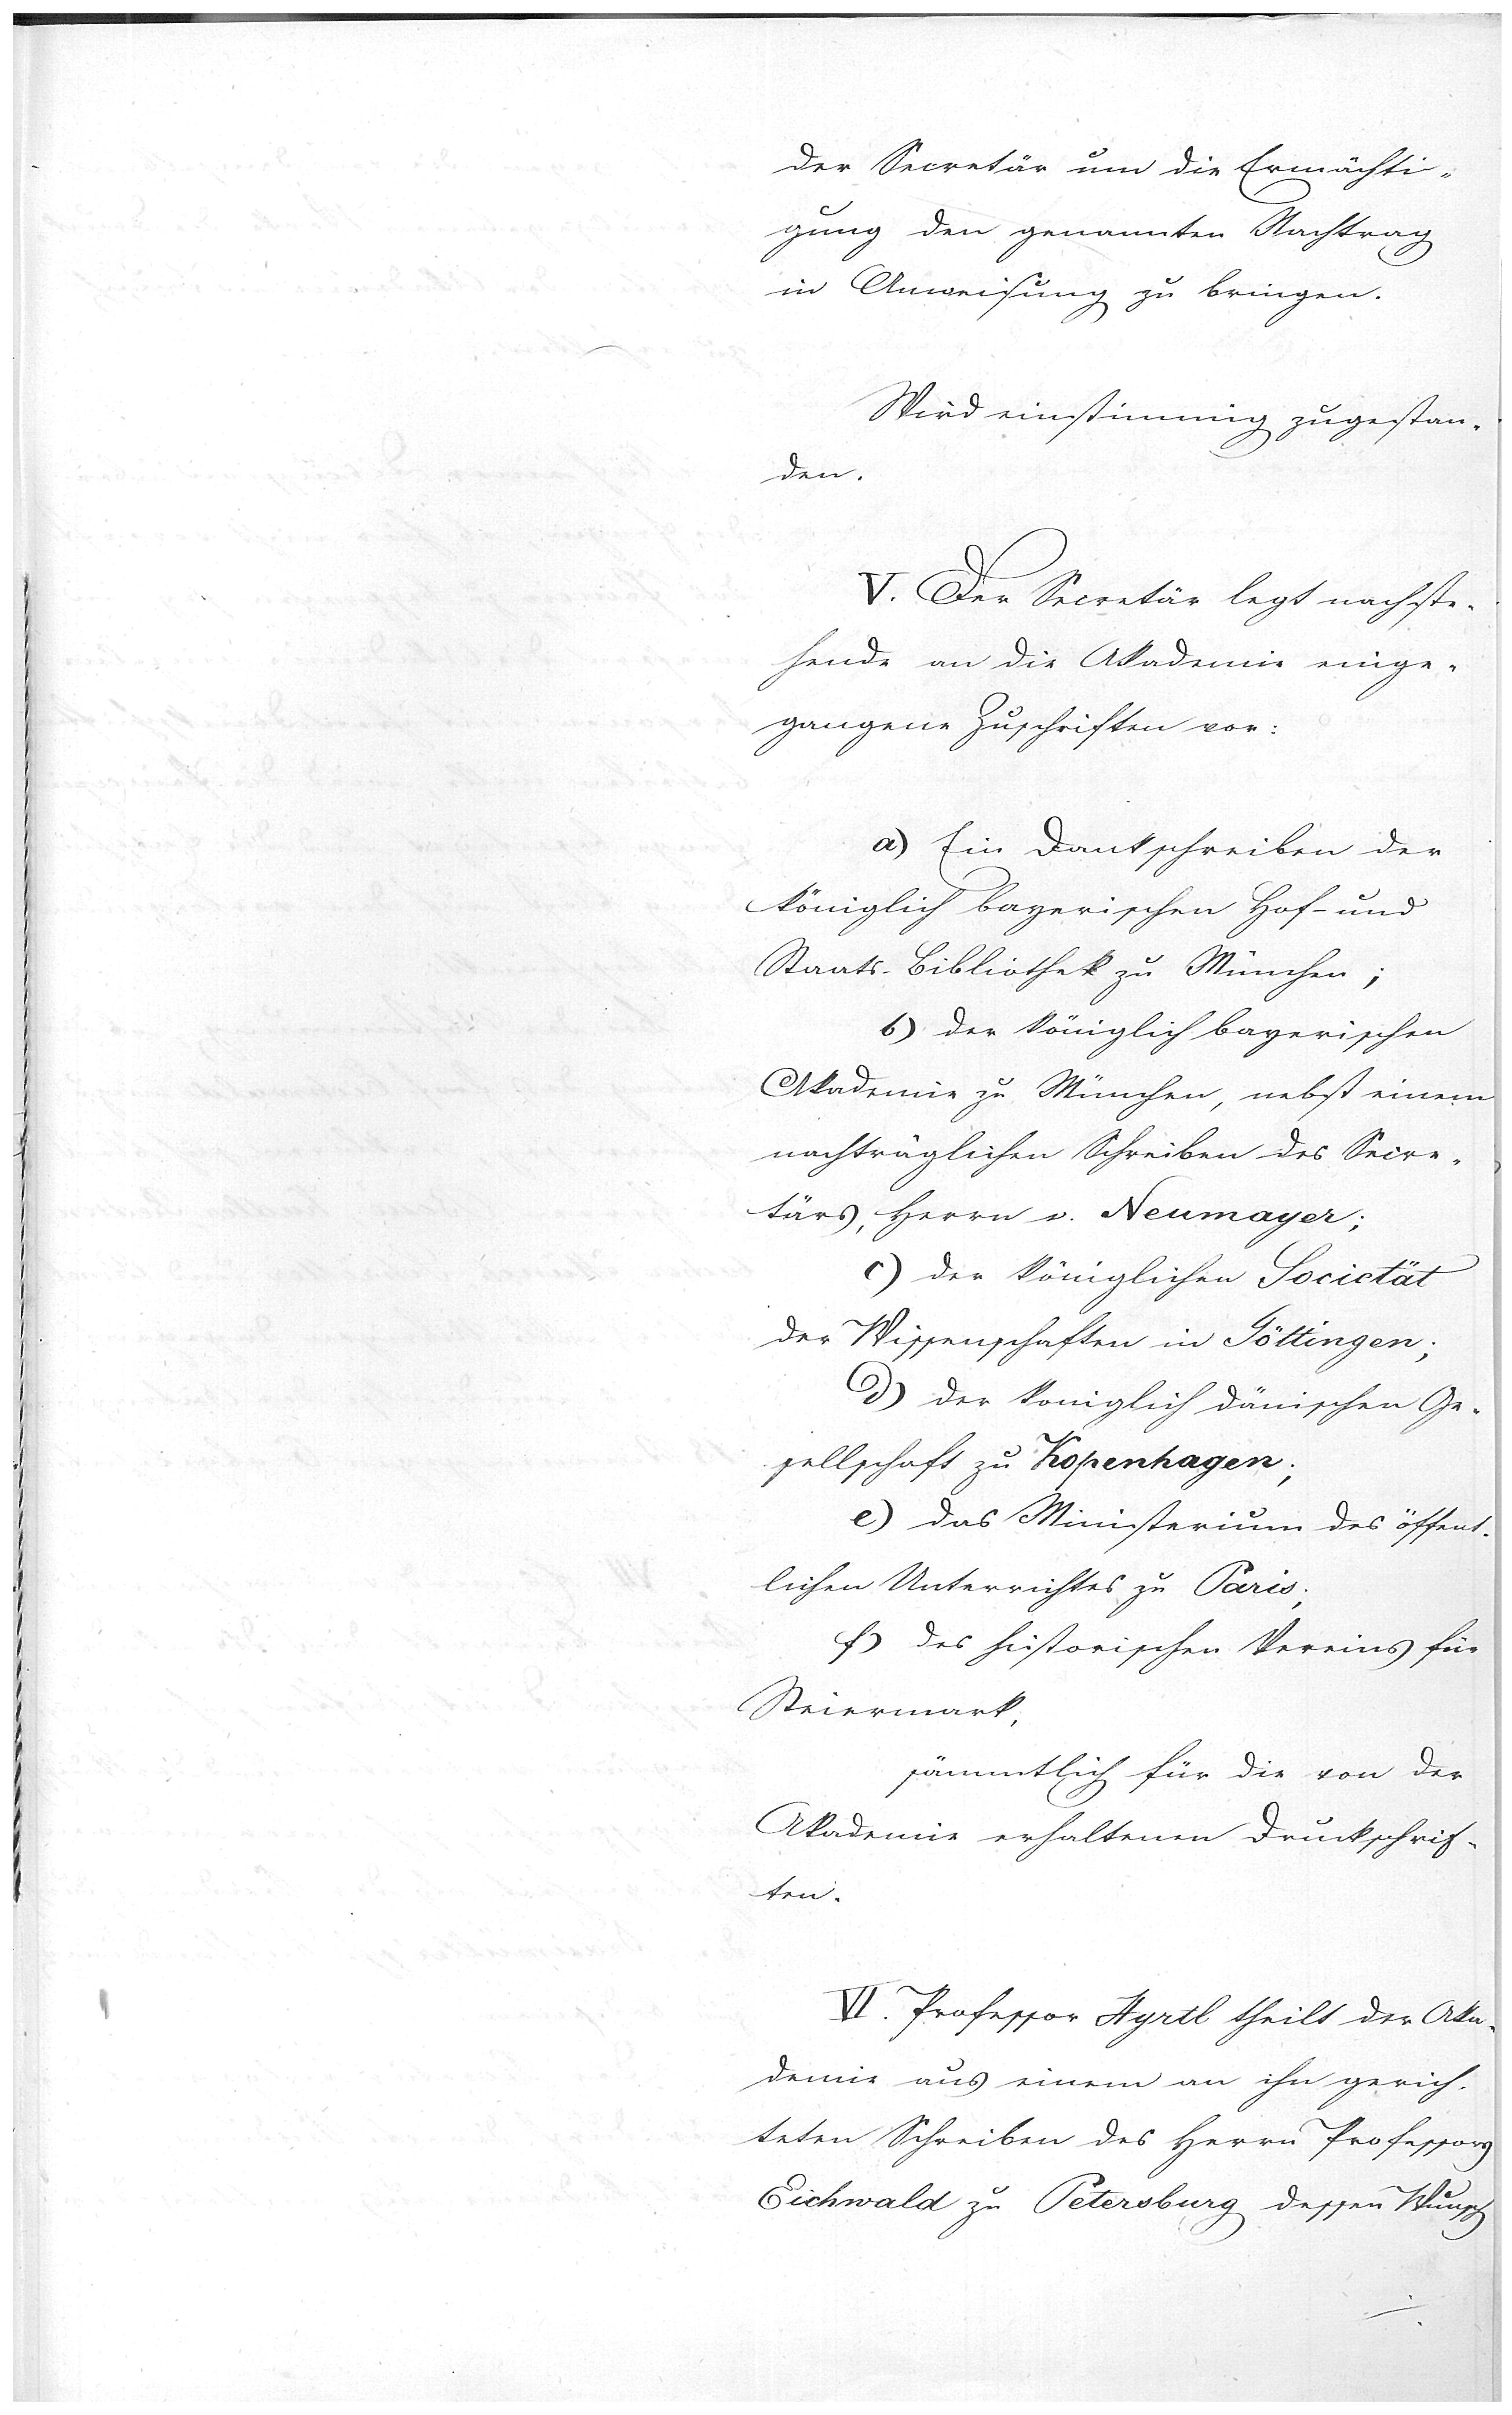der Secretär um die Ermächti-
gung den genannten Nachtrag
im Anweisung zu bringen.
Wird einstimmig zugestan-
den.
V. Der Secretär liegt nachste-
hende an die Akademie einige-
gangene Zuschriften vor:
a) Ein Dankschreiben der
königlich bayerischen Hof- und
Staats-Bibliothek zu München;
b) der königlich bayerischen
Akademie zu München, nebst einem
nachträglichen Schreiben des Secre-
tärs, Herrn v. Neumayer;
c) der königlichen Societät
der Wissenschaften in Göttingen;
d) der koniglich dänischen Ge-
sellschaft zu Kopenhagen;
e) das Ministerium des öffent-
lichen Unterrichtes zu Paris;
f) des historischen Vereines für
Steiermark,
sämmtlich für die von der
Akademie erhaltenen Druckschrif-
ten.
VI. Professor Hyrtl theilt der Aka-
demie aus einem an ihn gericht-
teten Schreiben des Herrn Professors
Eichwald zu Petersburg dessen Wunsch